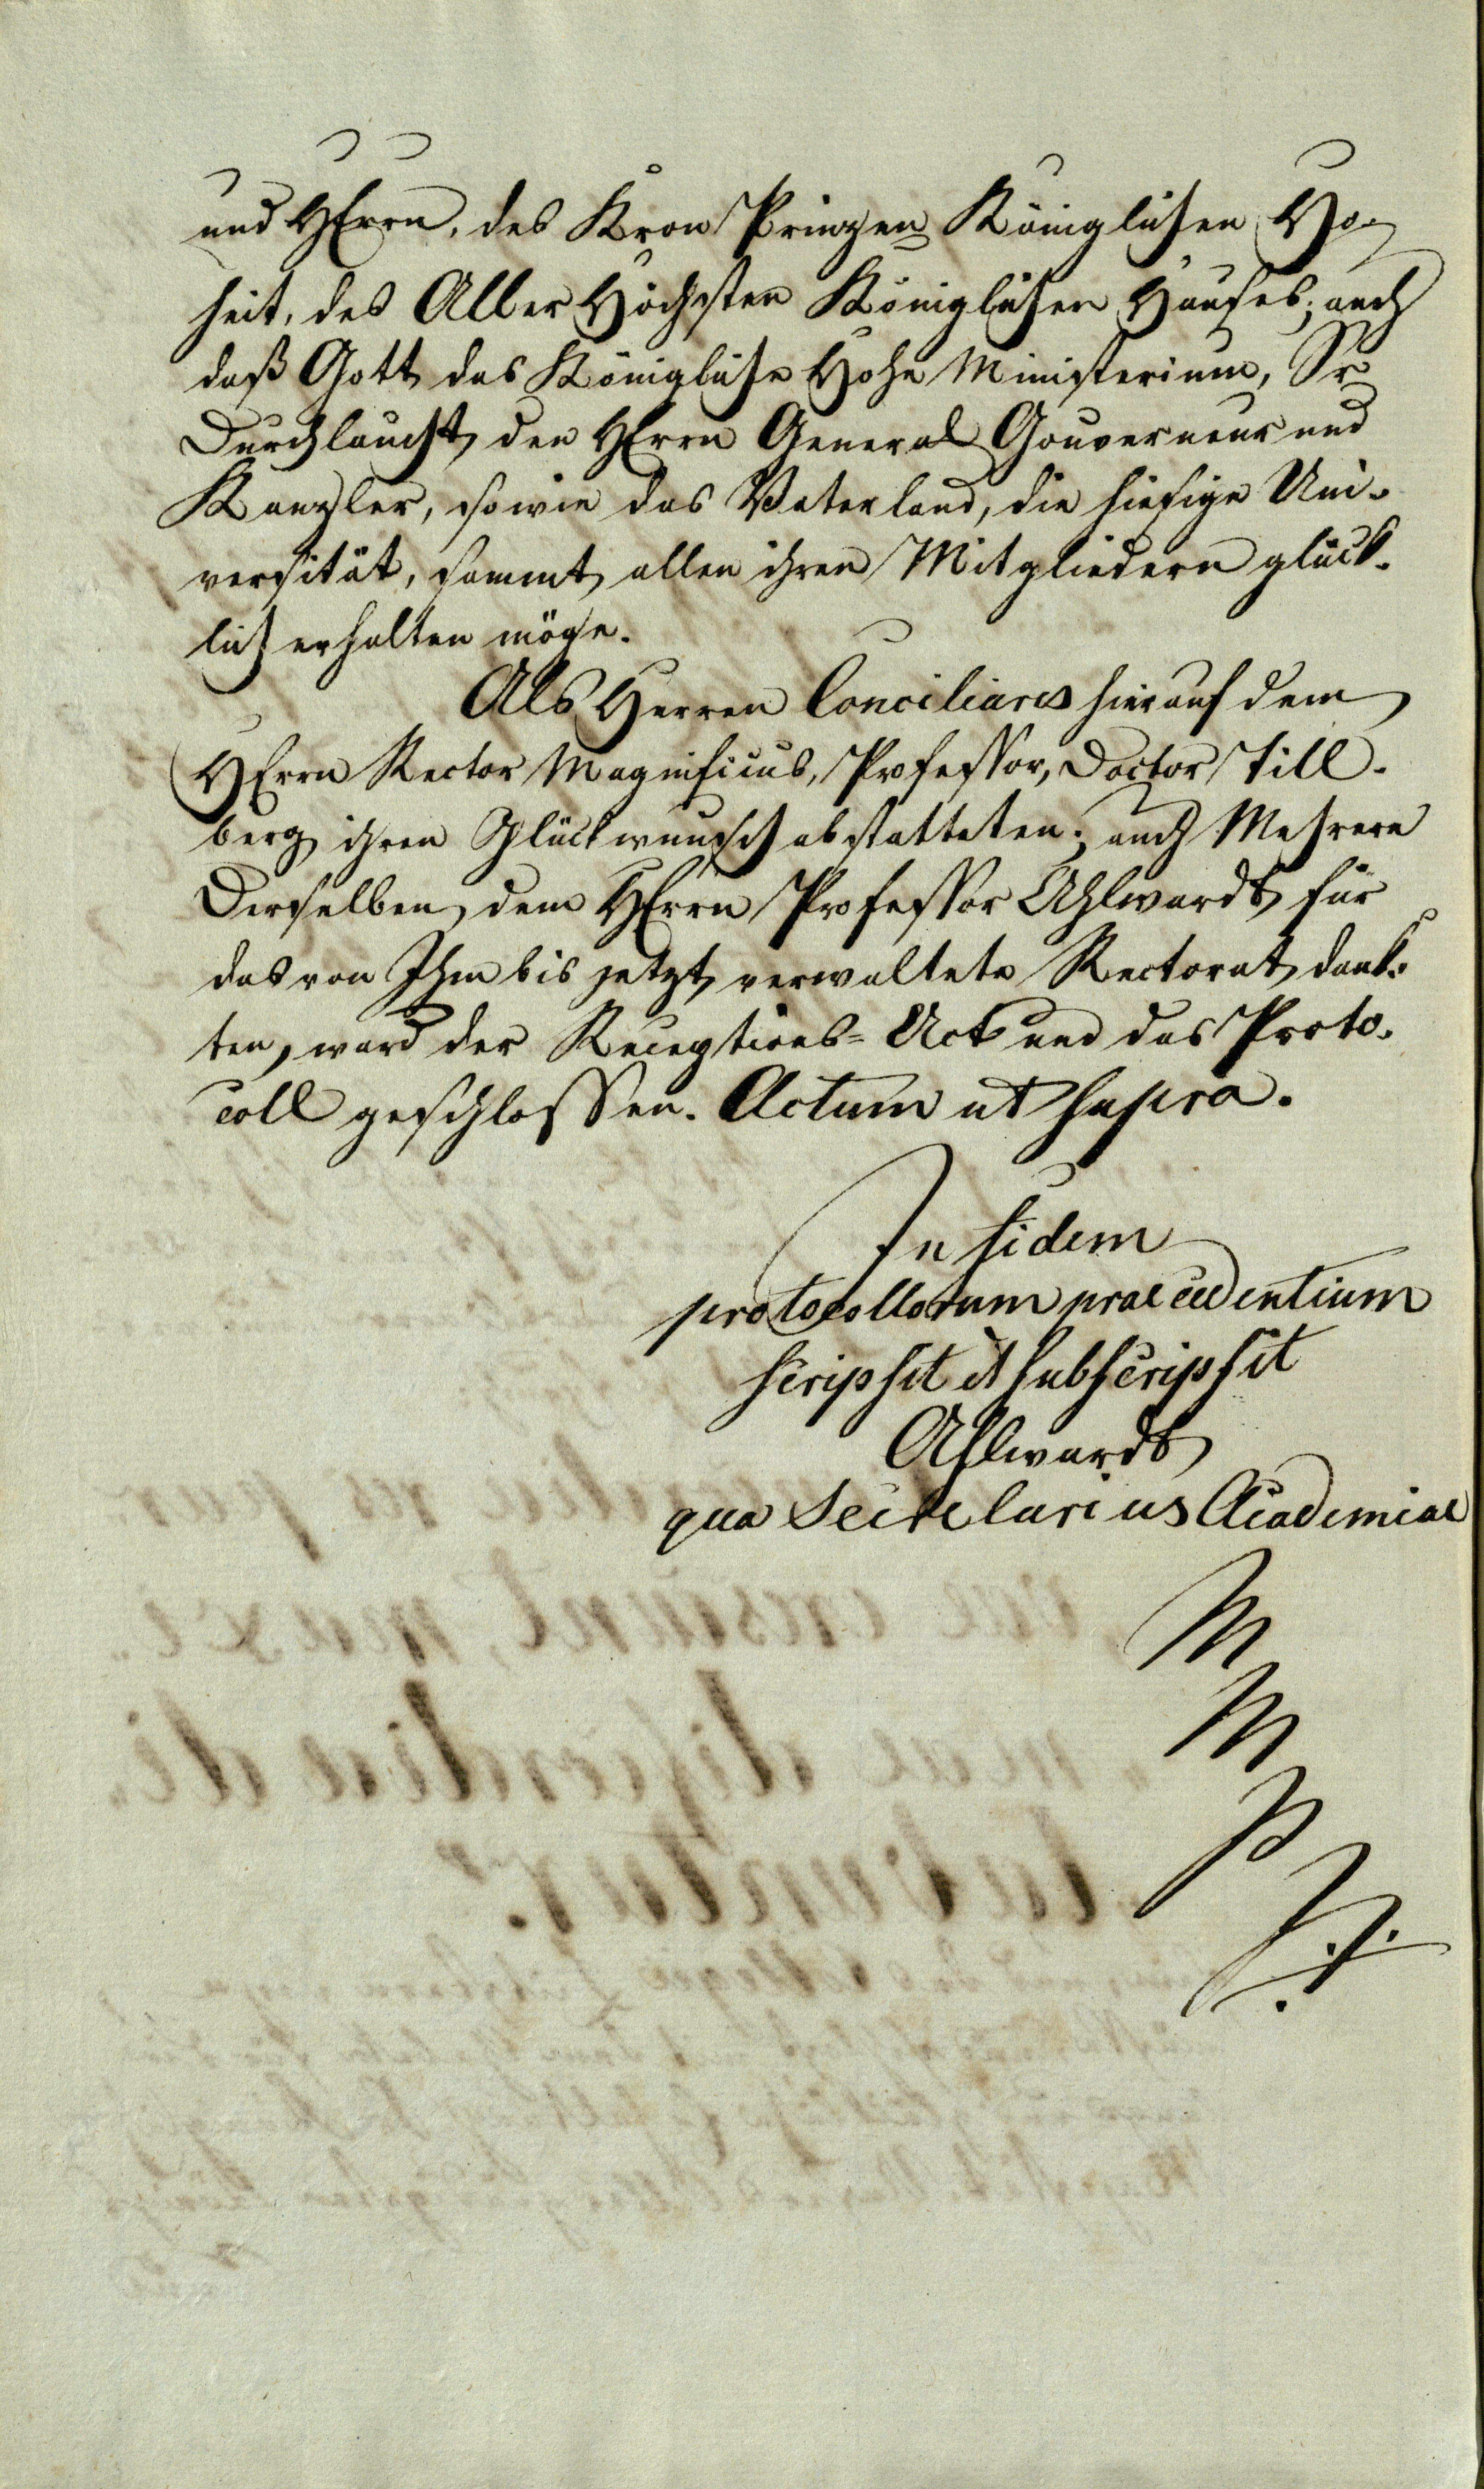und Herrn, des Herrn Prinzen königlichen Ho¬
heit, des Allerhöchten königlichen Hauses; auch
daß rtl das Königliche hohe Ministerium Sr
Durchlaucht den Herrn General Gouverneur und
Kanzler sowie das Vaterland, die hiesige Uni¬
versität, sammt allen ihren Mitgliedern glück¬
lich erhalten möge.
Als Herren Conciliares hier auf dem
Herrn Rector Magnificus, Professor, Doctor Till¬
bergihren Glückwunsch abstatteten; auch Mehrere
derselben, dem Herrn Professor Ahlwardt für
das von Ih bis jetzt verwaltete Rectorats dank¬
tun, ward der Reugtions-Act und der Proto¬
coll geschlossen. Actum et Supra.
In fidem
protocollorum praleccentium
feripfit et fubferipfit
Ahlwardt
qua Secrelarius Academiae